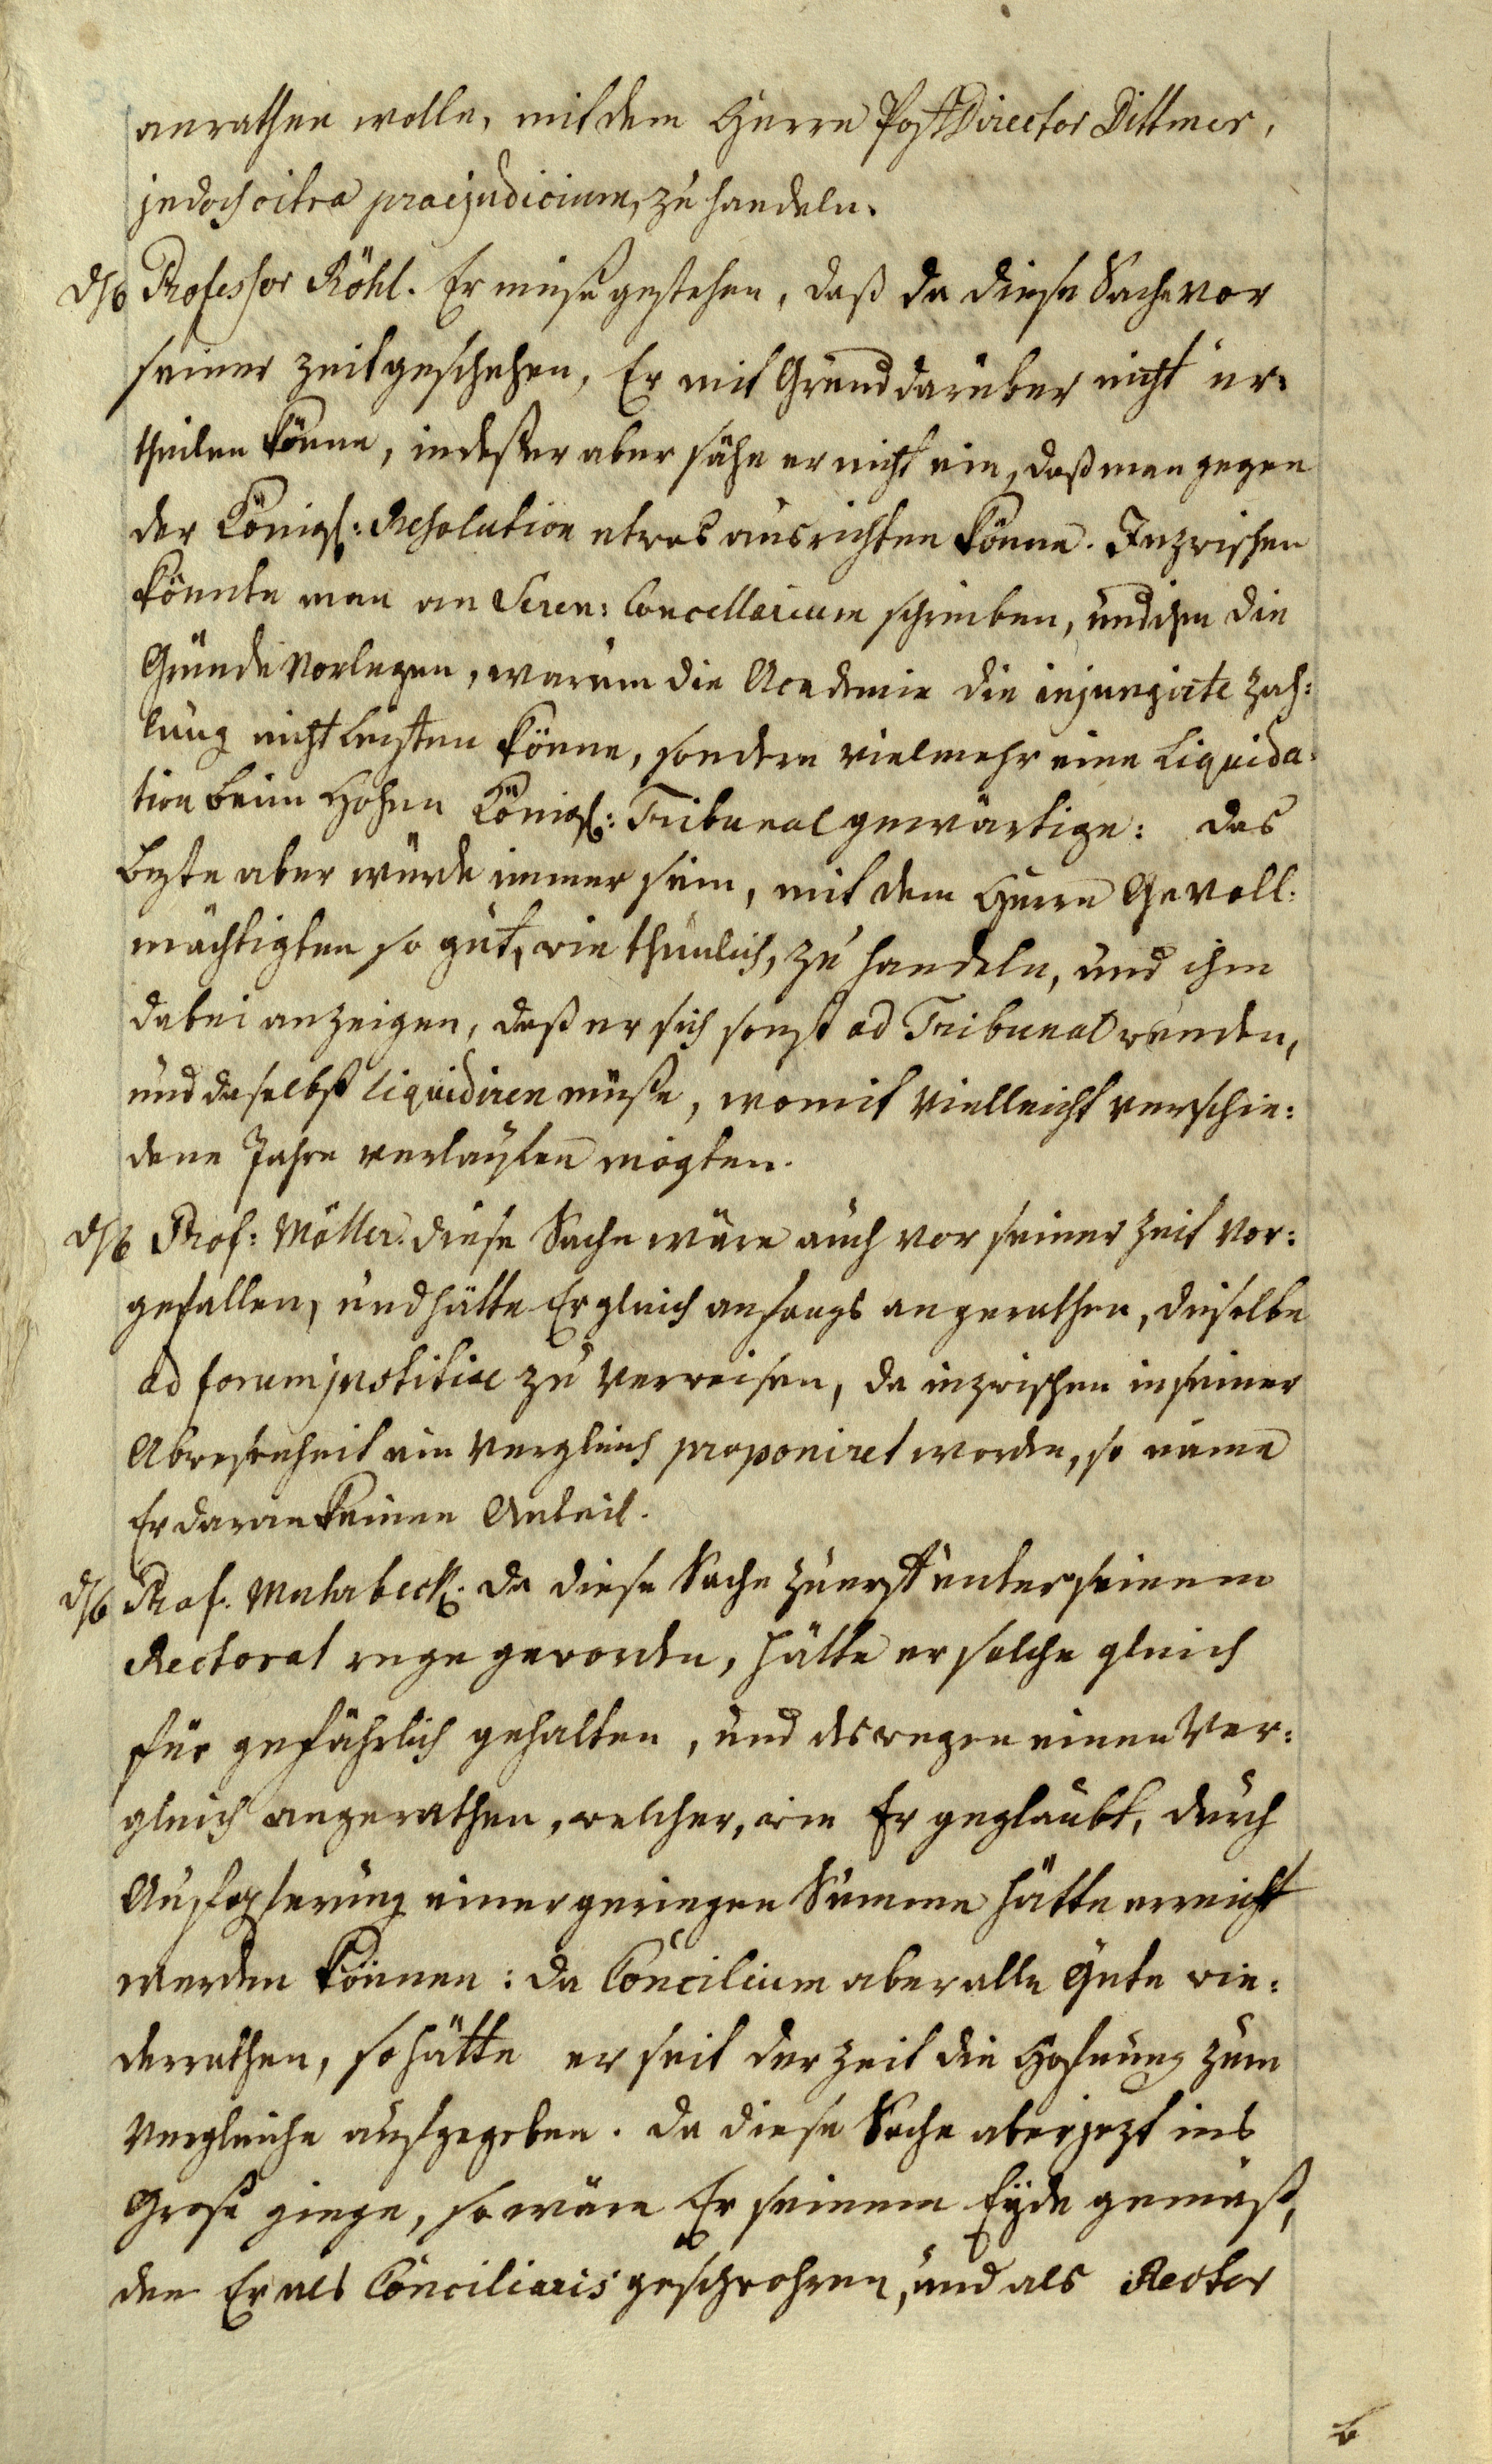anrathen wolle, mit dem Herrn PostDirector Dittmer,
jedoch citra praejudicium zu handeln.
dh Professor Röhl. Er müße gestehen, daß da diese Sache vor
seiner Zeit geschehen, Er mit Grund darüber nicht ur¬
theilen könne, indeßen aber sähe er nicht ein, daß man gegen
der Königl. Resolution etwas ausrichten könne. Inzwischen
könnte man an Seren. Cancellarium schreiben, und ihm die
Gründe vorlegen, warum die Academie die injungirte Zah¬
lung nicht leisten könne, sondern vielmehr eine Liquida¬
tion beim Hohen Königl. Tribunal gewärtige: das
lezte aber würde immer sein, mit dem Herrn Gevoll¬
mächtigten so gut, wie thunlich, zu handeln, und ihm
dabei anzeigen, daß er sich sonst ad Tribunal wenden,
und daselbst liquidiren müße, womit vielleicht verschie¬
dene Jahre verlaufen mögten.
dh Prof. Möller. Diese Sache wäre auch vor seiner Zeit vor¬
gefallen, und hätte Er gleich anfangs angerathen, dieselbe
ad forum justitiae zu verweisen, da inzwischen in seiner
Abwesenheit ein Vergleich proponiret worden, so näme
Er darin keinen Anteil.
dh Prof. Muhrbeck. Da diese Sache zuerst unter seinem
Rectorat rege geworden, hätte er solche gleich
für gefährlich gehalten, und deswegen einen Ver¬
gleich angerathen, welcher, wie Er geglaubt, durch
Aufopferung einer geringen Summe hätte erreicht
werden können. Da Concilium aber alle Güte wie¬
derrathen, so hätte er seit der Zeit die Hofnung zum
Vergleiche aufgegeben. Da diese Sache aber jezt ins
Große ginge, so wäre Er seinem Eÿde gemäß,
den Er als Conciliaris geschwohren, und als Rector